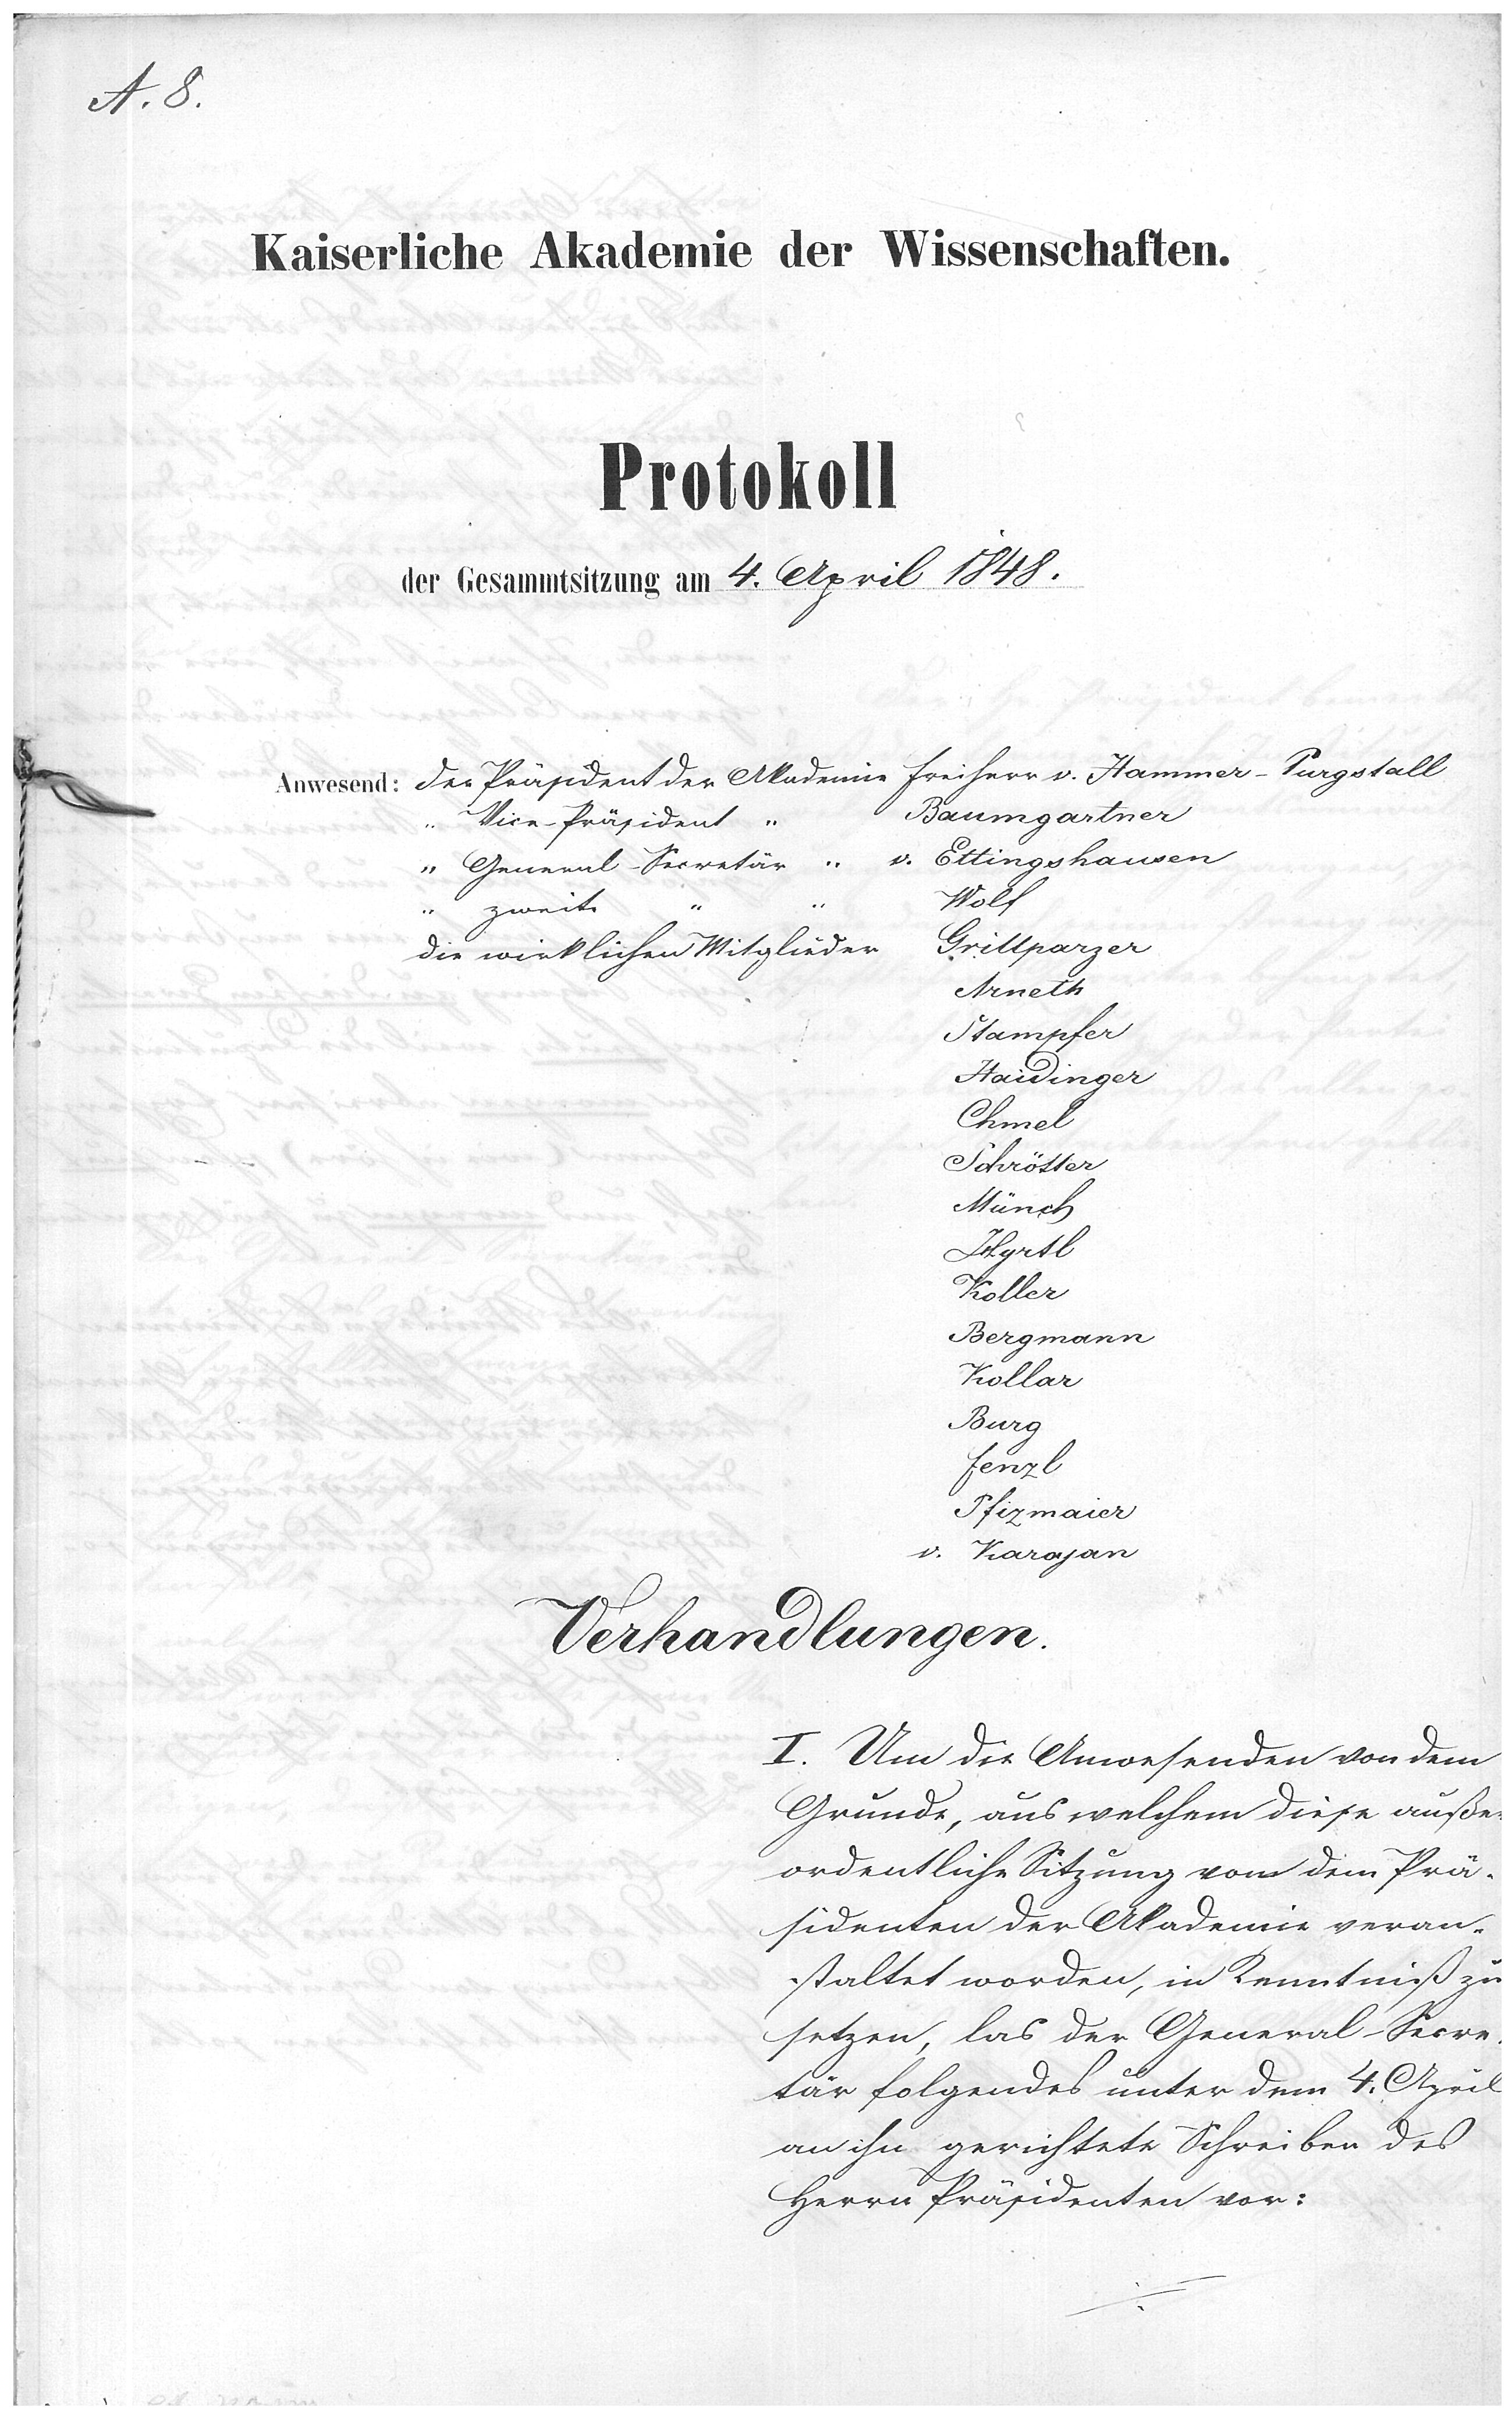A. 8.
Kaiserliche Akademie der Wissenschaften.
Protokoll
der Gesammtsitzung am 4. April 1848.
Anwesend: Der Präsident der Akademie Freiherr v. Hammer-Purgstall
" Vice-Präsident " Baumgartner
" General-Secretär " v. Ettingshausen
" zweite " Wolf
die wirklichen Mitglieder Grillparzer
Arneth
Stampfer
Haidinger
Chmel
Schrötter
Münch
Hyrtl
Koller
Bergmann
Kollar
Burg
Fenzl
Pfizmaier
v. Karajan
Verhandlungen
I. Um die Anwesenden von dem
Grunde, aus welchem diese außer-
ordentliche Sitzung von dem Prä-
sidenten der Akademie veran-
staltet worden, in Kenntniß zu
setzen, las der General-Secre-
tär folgendes unter dem 4. April
an ihn gerichtete Schreiben des
Herrn Präsidenten vor: